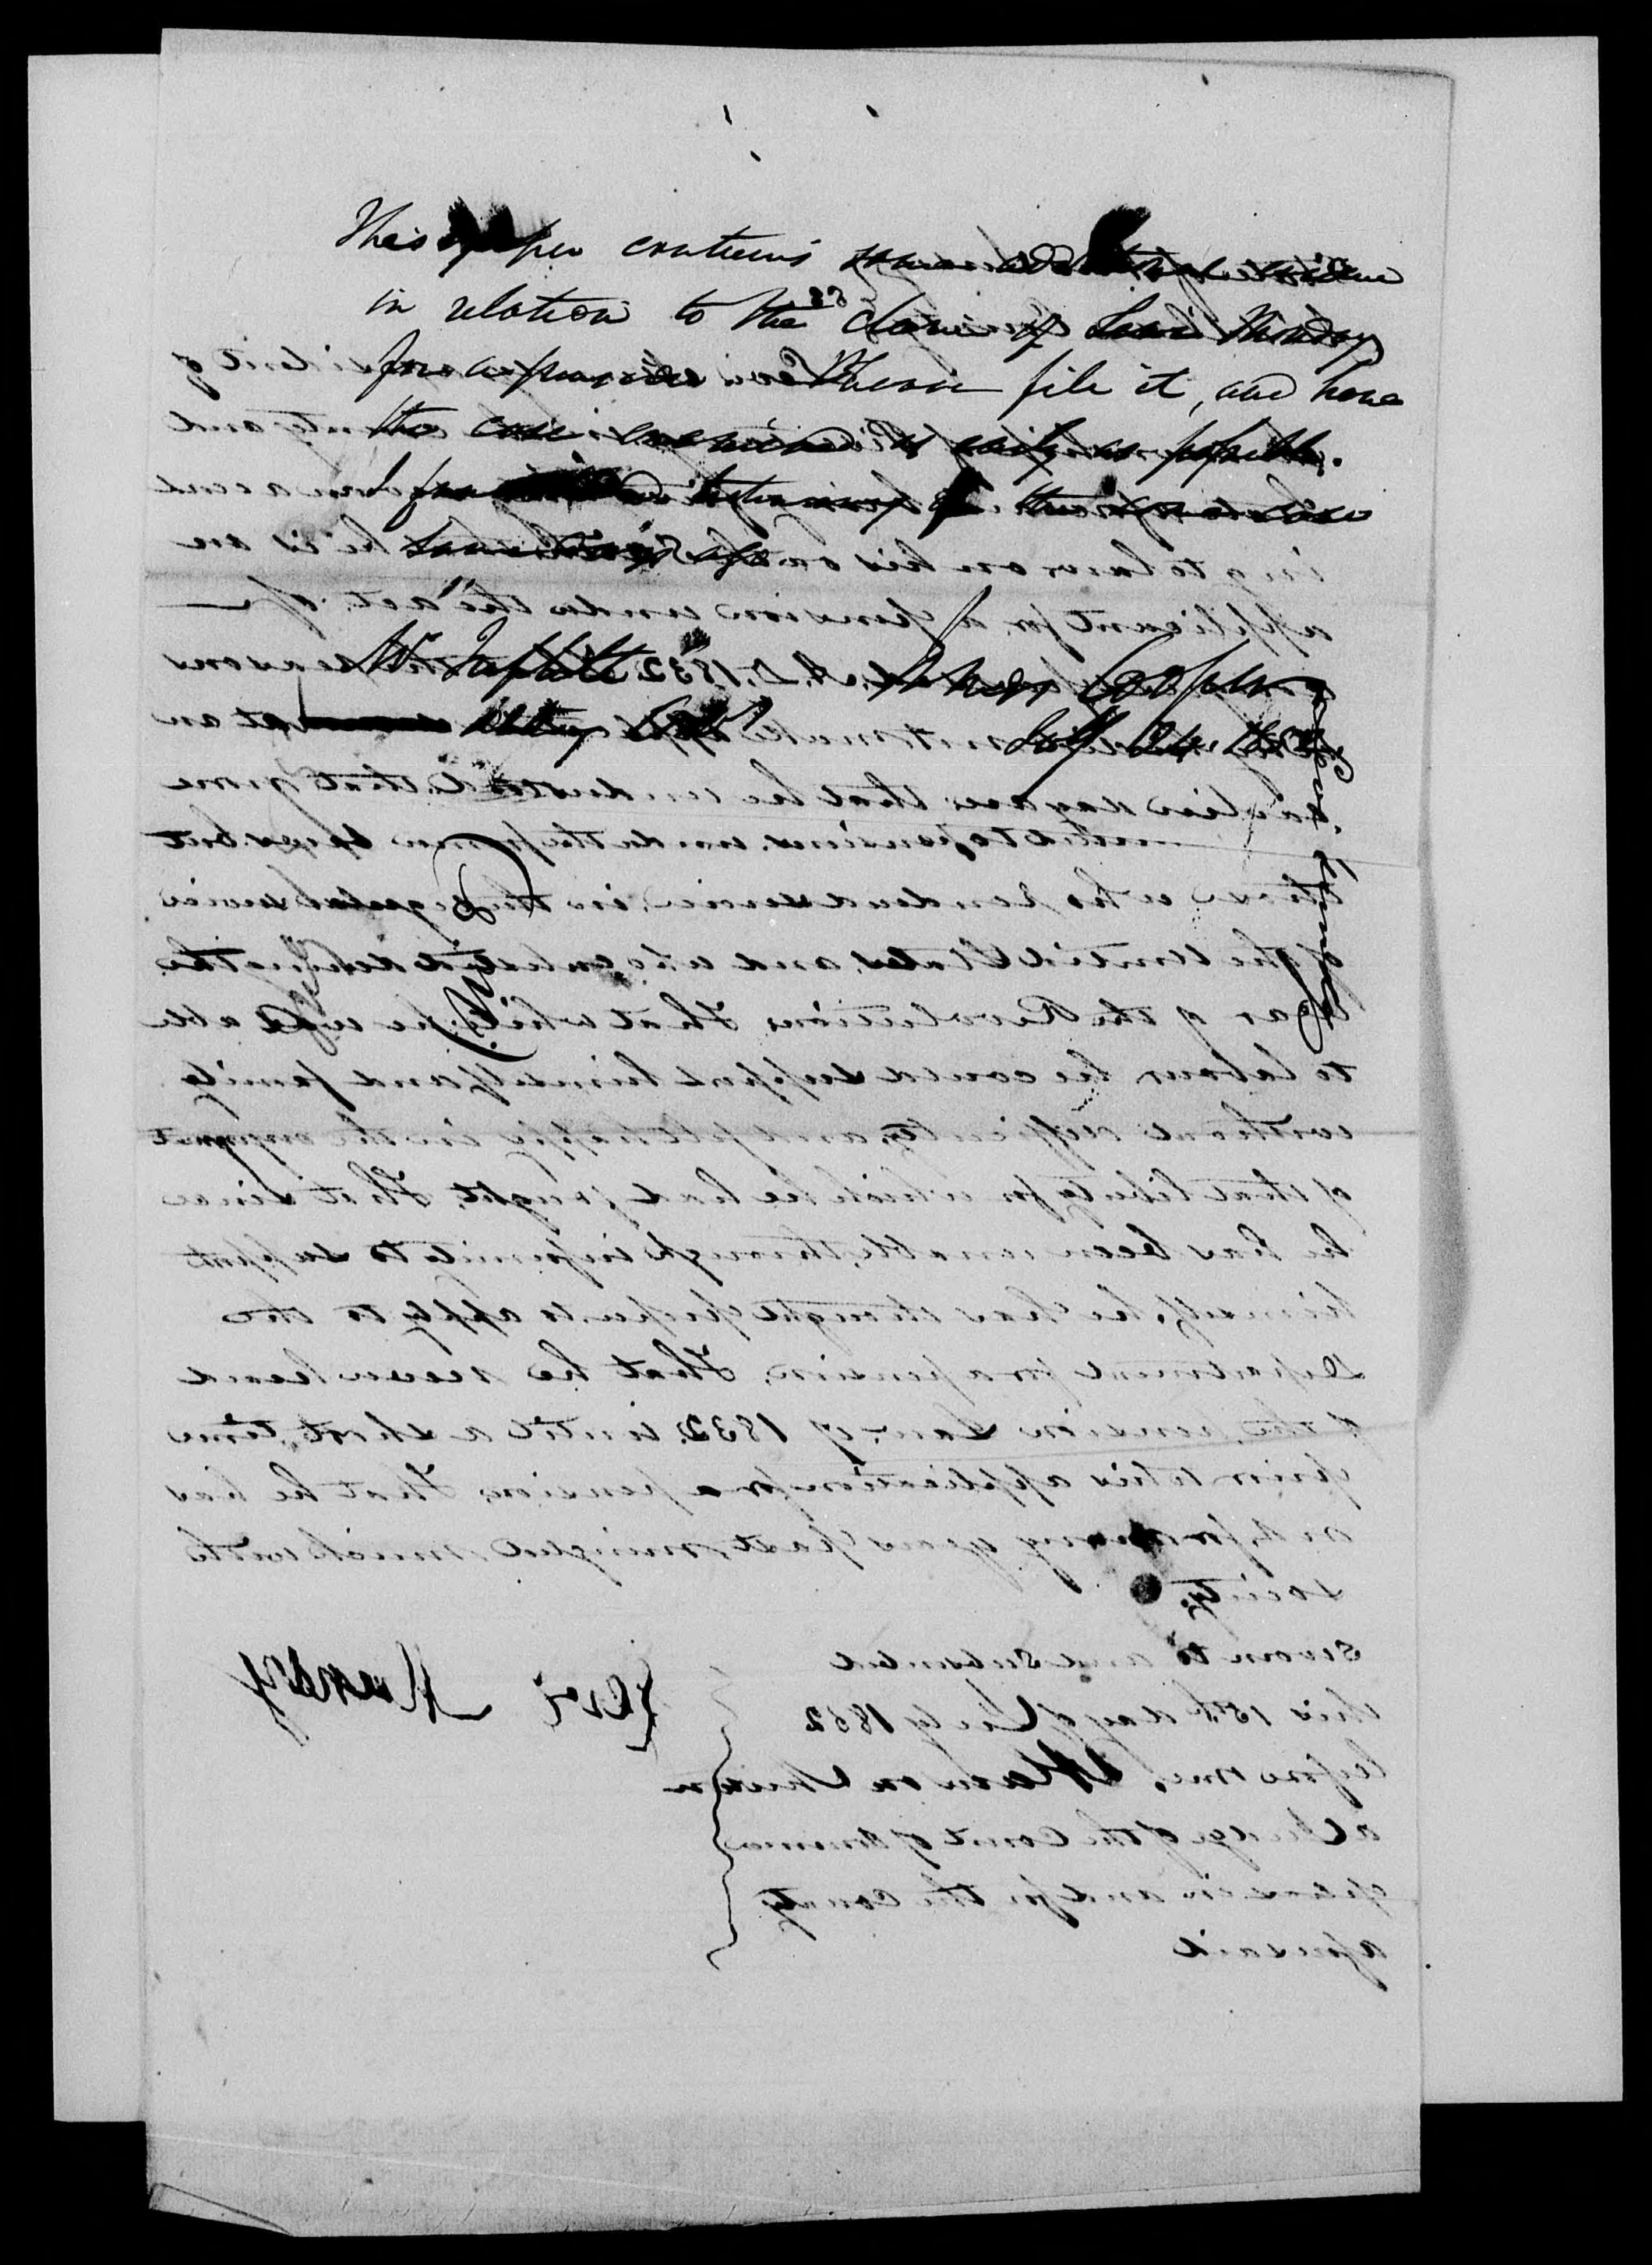This paper contains several additional evidence in relation to the claim of Levi Mundy for a pension. Please file it and have the case examined as early as possible.

It from [crossed out: (illegible)] his testimony of this [crossed out: (illegible)].


s/ James Cooper, [crossed out: (illegible)] 

(No. 8)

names: James Cooper; Levi Munday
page: 69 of 95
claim: survivor's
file: S 2889, for Levi Mundy, New Jersey